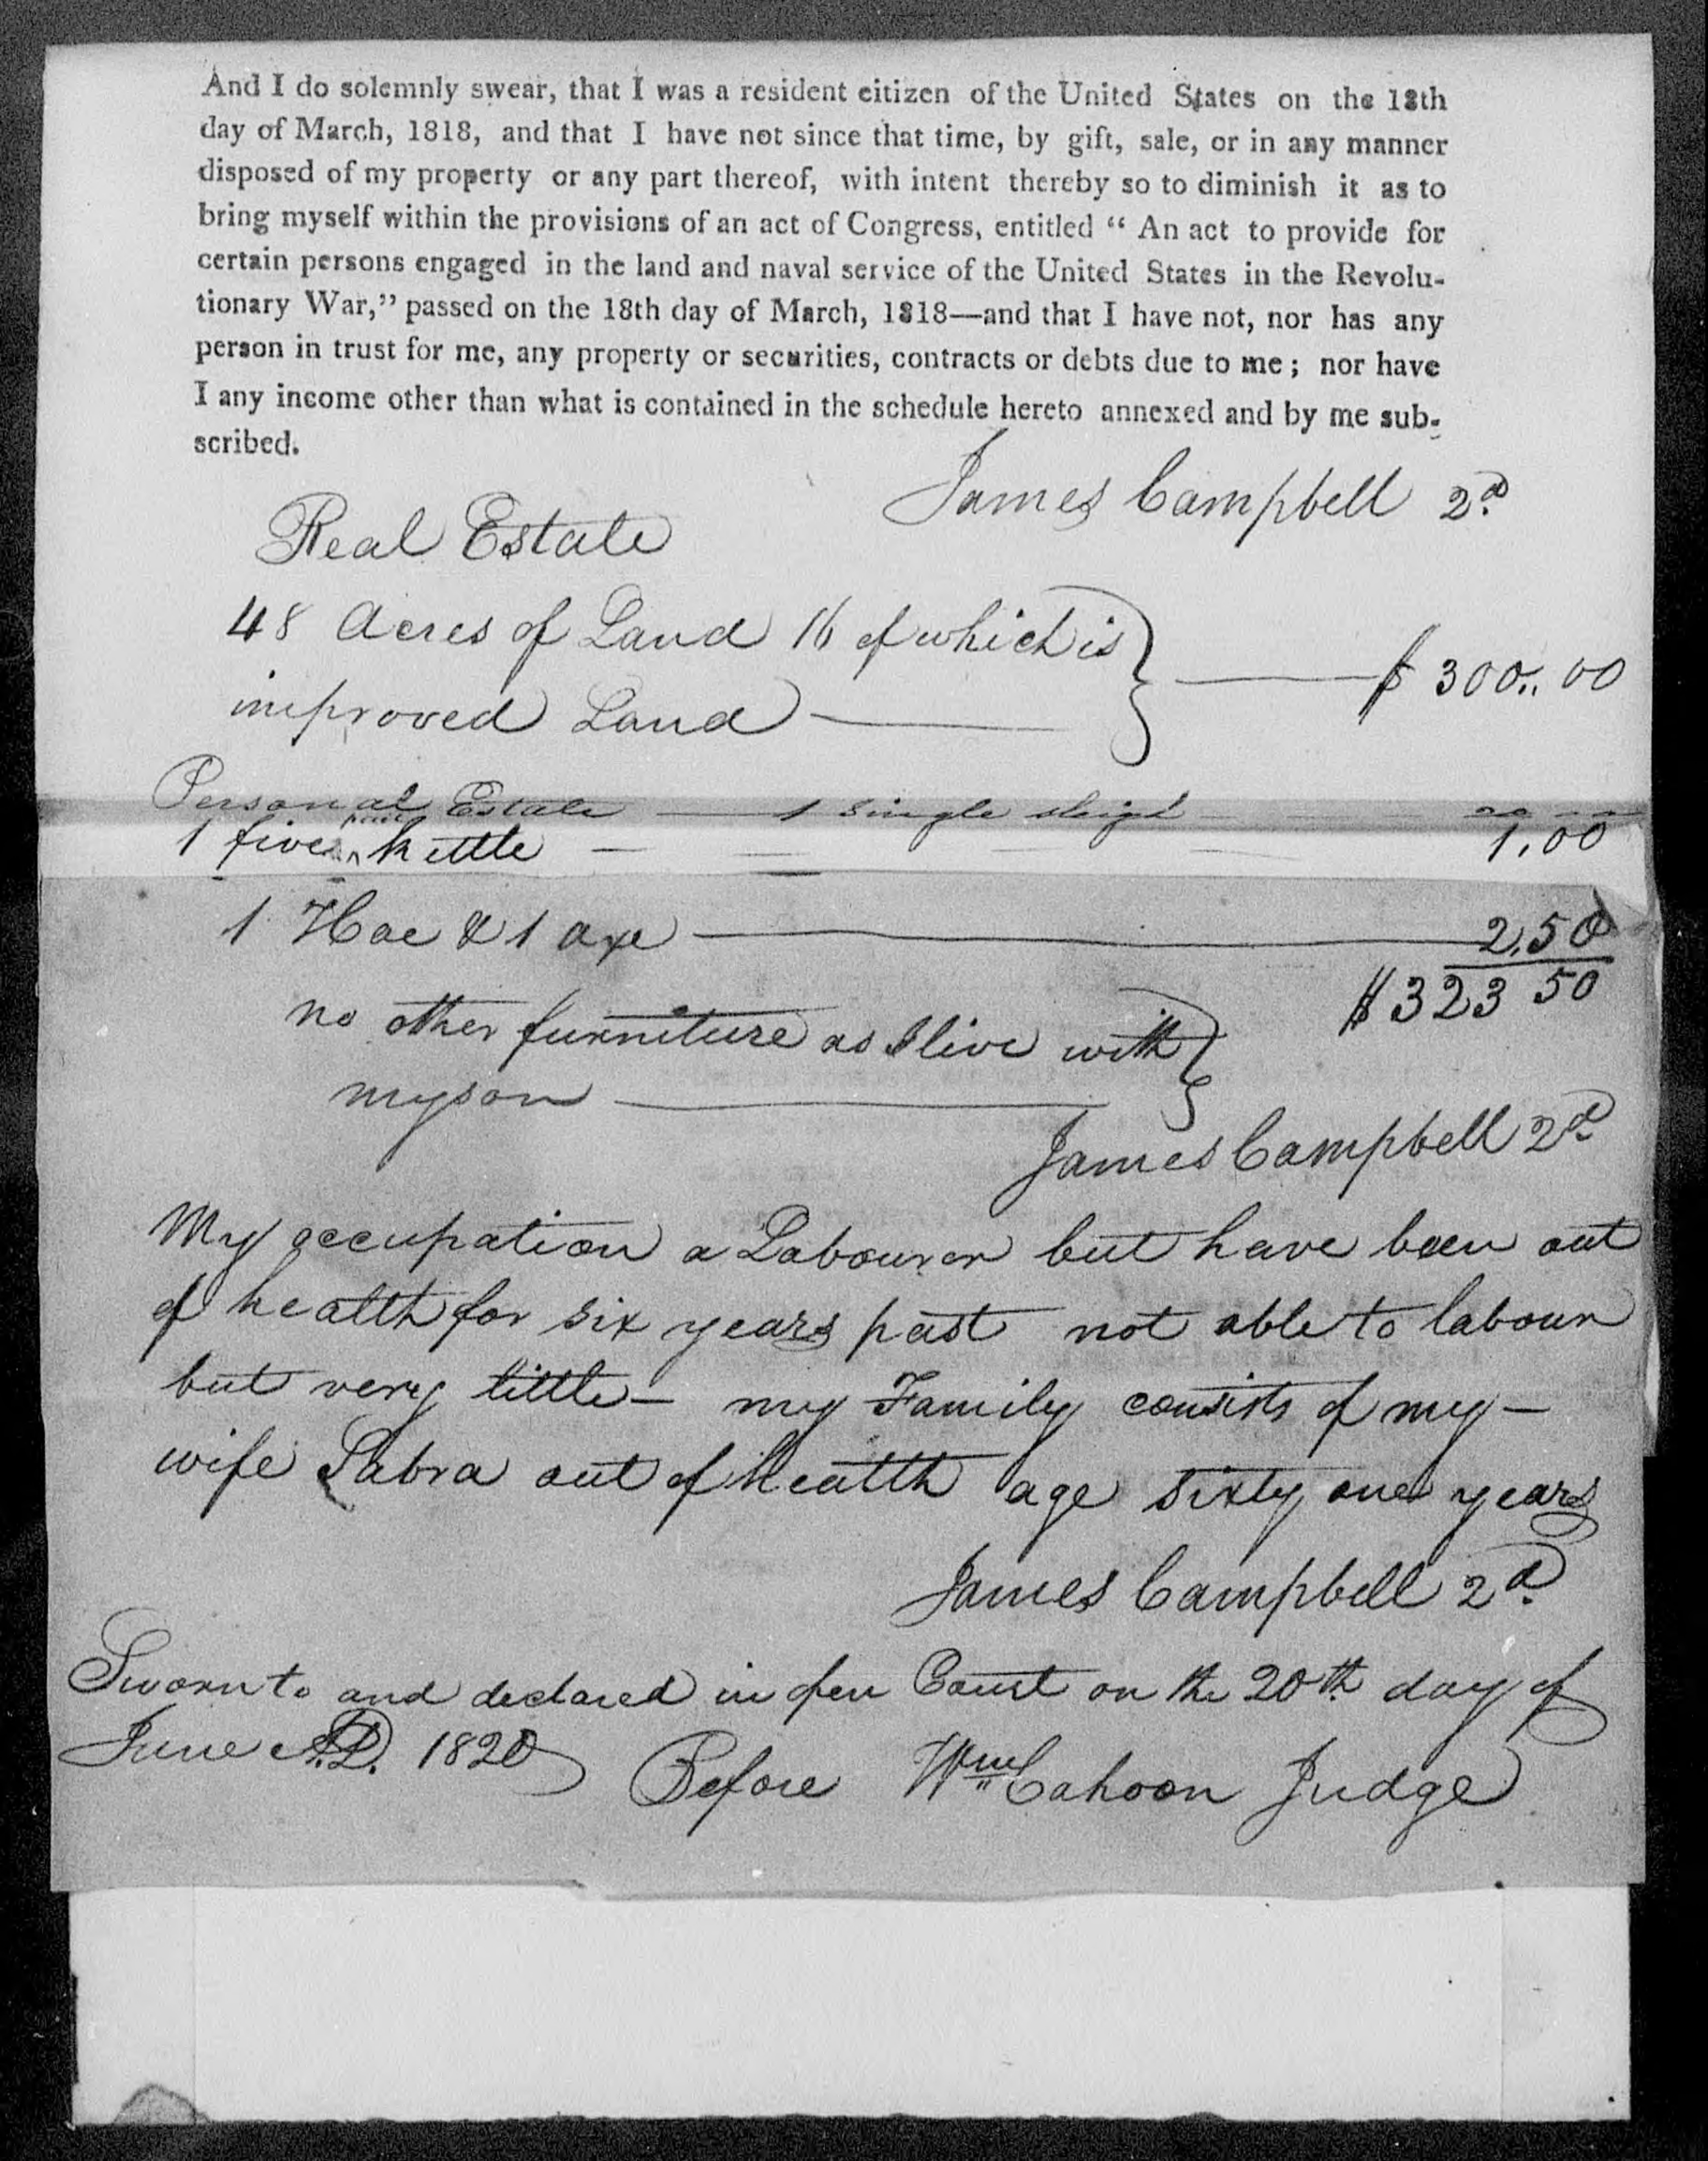And I do solemnly swear, that I was a resident citizen of the United States on the 18th day of March, 1818, and that I have not since that time, by gift, sale, or in any manner disposed of my property or any part thereof, with intent thereby so to diminish it as to bring myself within the provisions of an act of Congress, entitled "An act to provide for certain persons engaged in the land and naval service of the United States in the Revolutionary War,” passed on the 18th day of March, 1818  - and that I have not, nor has any person in trust for me, any property or securities, contracts or debts due to me; nor have I any income other than what is contained in the schedule hereto annexed and by me subscribed.
James Campbell 2d

Real Estate
48 acres of Land 16 of 
which is improved Land -} __________ $300..00
Personal Estate
1 single sleigh _______________________     20.00
1 five pail kettle ______________________      1.00
1 Hoe & 1 axe ________________________      2.50
                                                            _________
                                                            $323.50   
no other furniture as I live with
my son}
James Campbell 2d.

My occupation a Labourer (Laborer) but have been out of health for six years past not able to labour (labor) but very little - my family consists of my - wife Sabra out of health age sixty one years
James Campbell 2d.

Sworn to and declared in open Court on the 20th day of June A.D. 1820
Before Wm Cahoon Judge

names: Sabra, James Campbell, James Campbell, James Campbell, Wm Cahoon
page: 46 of 67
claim: widow's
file: W. 23772, James Campbell, Continental Mass.